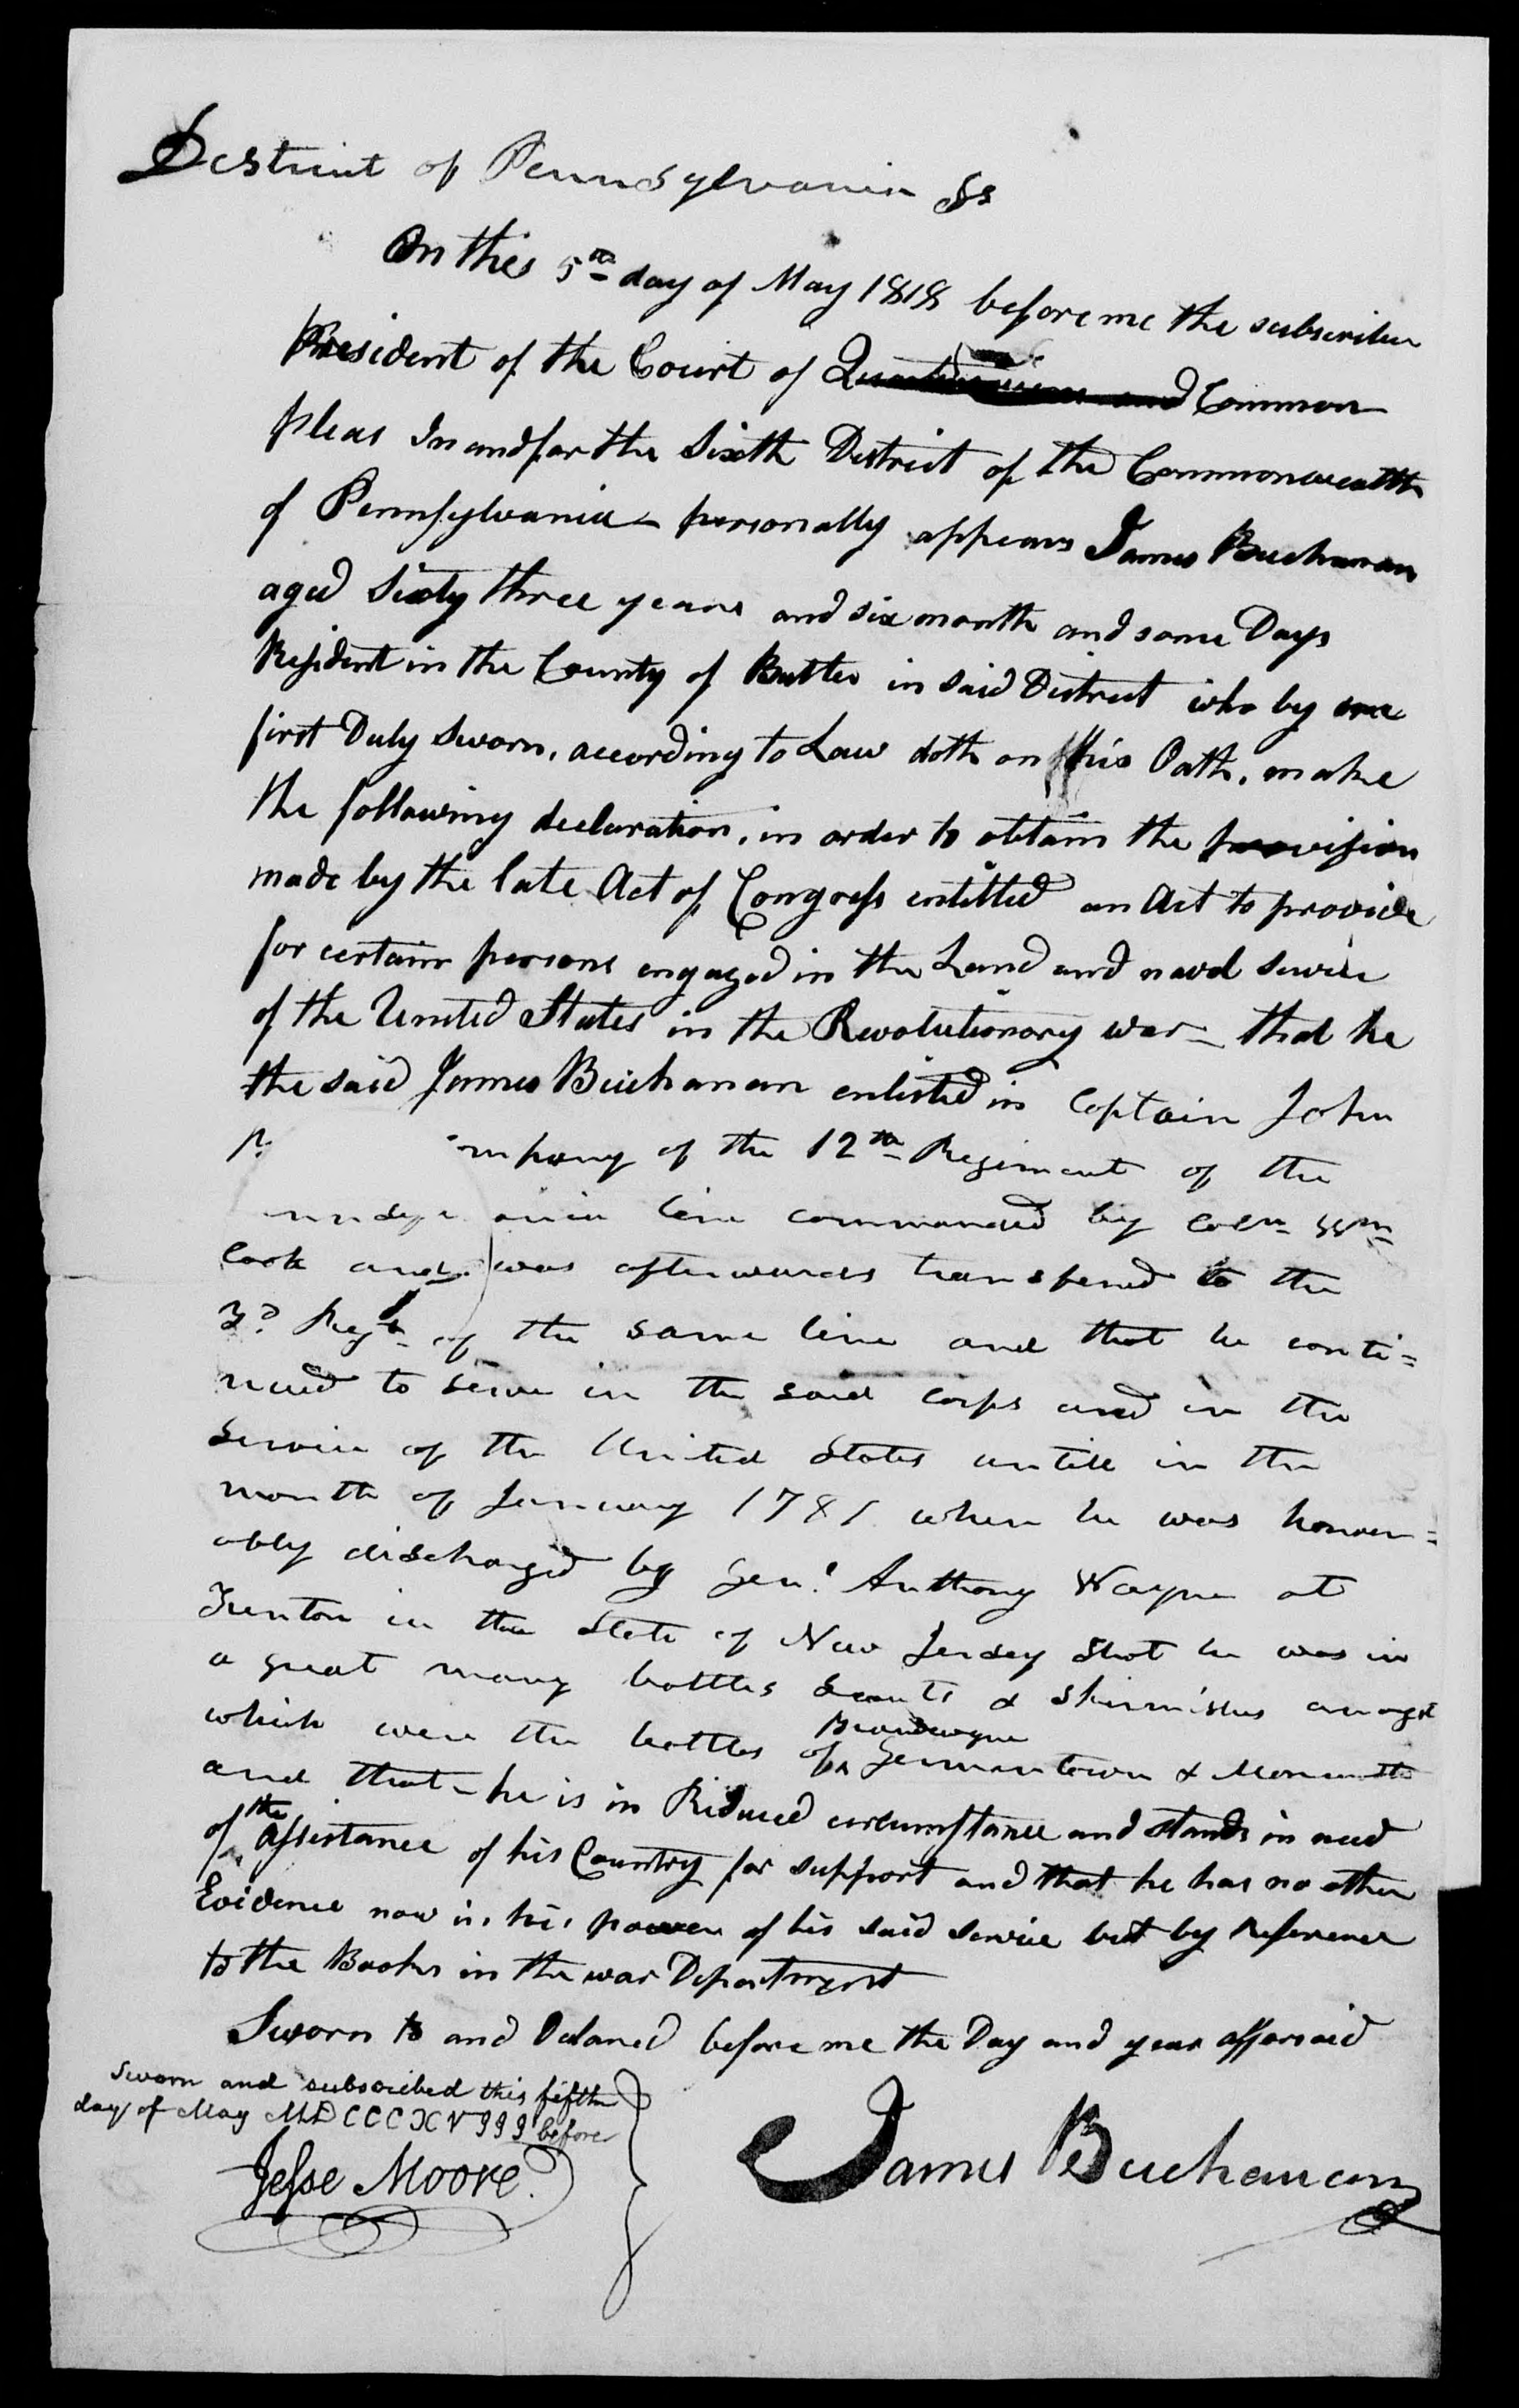District of Pennsylvania ss

    On this 5th day of May 1818 before me the subscriber president of the Court of Common Pleas in and for the Sixth District of the Commonwealth of Pennsylvania personally appears James Buchanon aged sixty three years and six months and some days resident in the county of Butler in said district who by first duly sworn, according to law doth on this oath, on who the following declaration, in order to obtain the provisions made by the late Act of Conress entitled an Act to provide for certain persons engaged in the land and naval services of the United States in the Revolutionary War, that he the said James Buchanon enlisted in Captain John  (word blocked out) Company of the 12th Regiment of the Pennsylvania Line commanded by ColWm. Cook and was afterwards transferred to the 3d Regt. of the same line and that he enlisted to serve in the same corps and in the service of the United States until in the month of January 1781 when was honorably discharged by Gen Anthony Wayne at Trenton in the state of New Jersey. That he was in a great many battles & skirmishes among which were the battles of Germantown & Brandywine & Monmouth and that he is in reduced circumstances and stands in need of the assistance of his country for support and that he has no other evidence now in his power of his said service but by reference to the books in the War Department.
     Sworn to and declared before me the day and year aforesaid.

Sworn and subscribed this fifth
day of May MDCCCXVIII before
            //s//
   Jesse Moore  

                                           //ss//
                                   James Buchanon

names: Jesse Moore, James Buchanan, James Buchanan, James Buchanan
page: 3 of 15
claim: survivor's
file: S. 40,765, James Buchanan, Pa.